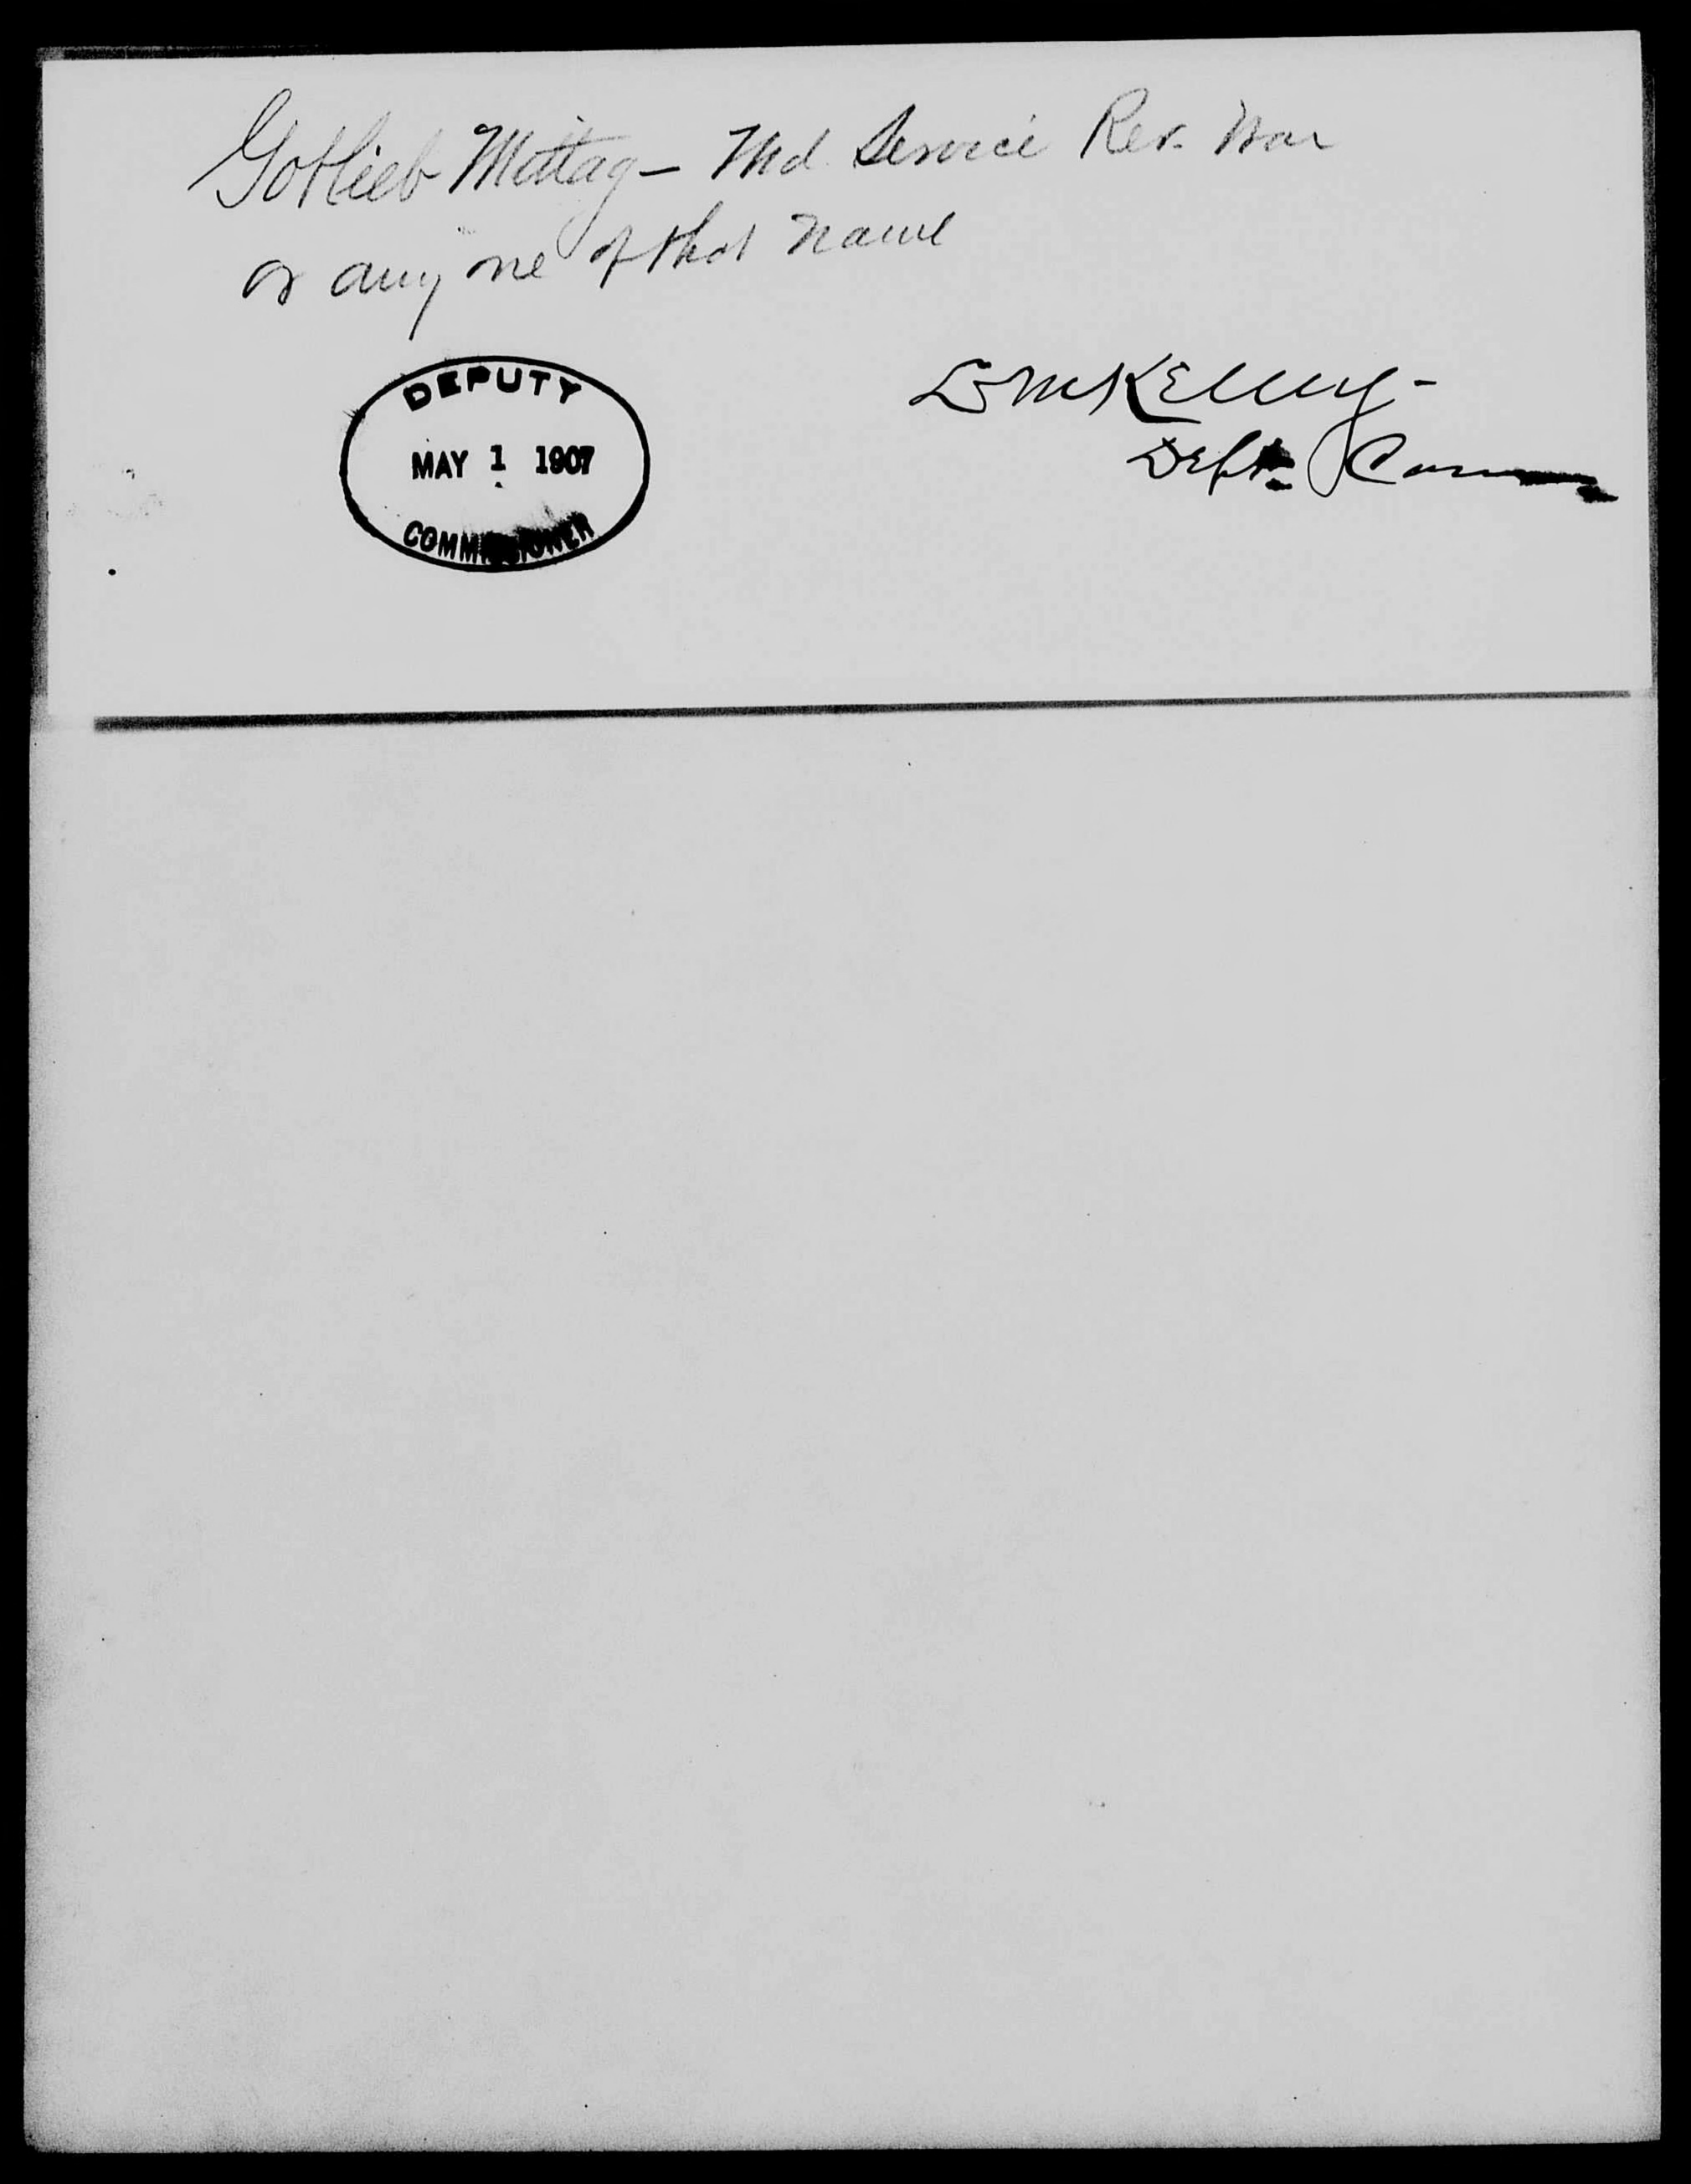Gotlieb Mittag - Md Service Rev. War
or any one of that name

[postmark stamp that says "DEPUTY MAY 1 1907 COMMISSIONER"]

LMKelly - Dept. Commissioner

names: L M Kelley; Gotlieb Mittag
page: 13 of 13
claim: survivor's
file: S. 34999, for Frederick Mittag, Maryland